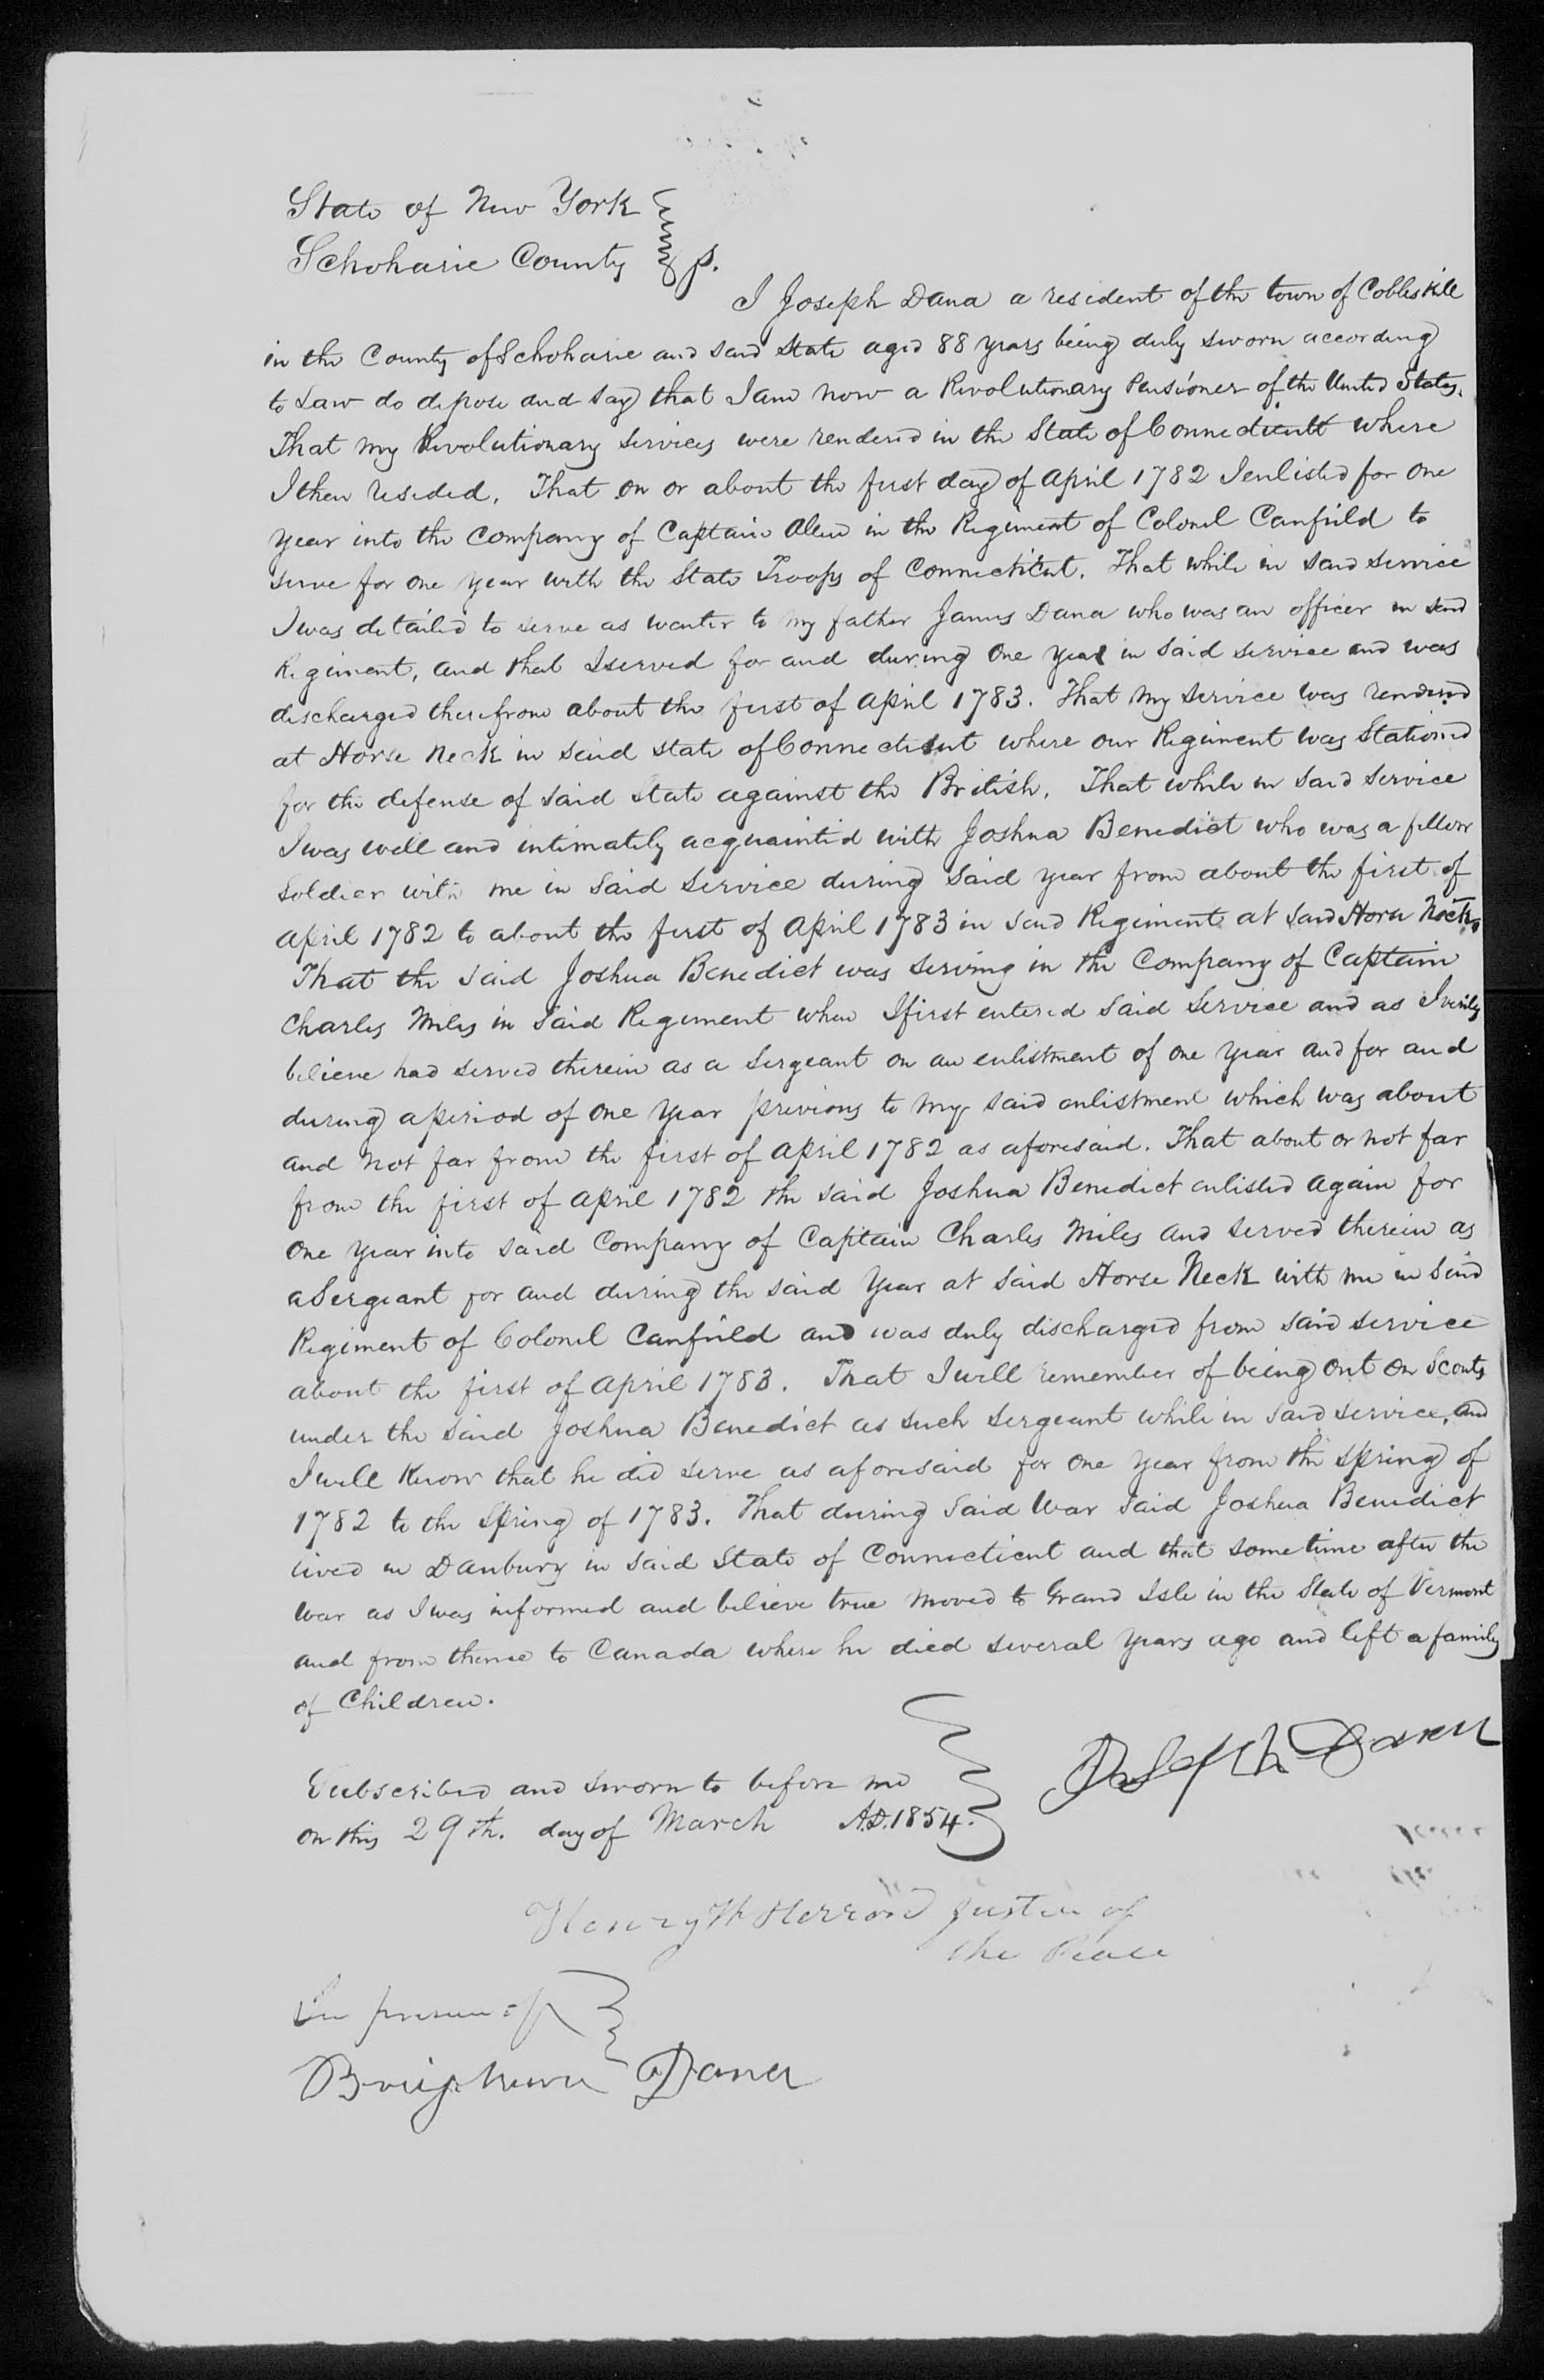State of New York
Schoharie County } Ss.
I Joseph Dana a resident of the town of Cobleskill in the County of Schoharie and said state aged 88 years being duly sworn according to law do depose and say that I am now a Revolutionary Pensioner of the United States. That my Revolutionary services were rendered in the State of Connecticutt [Connecticut] where I then resided. That on or about the first day of April 1782 I enlisted for one year into the Company of Captain Allen in the Regiment of Colonel Canfield to serve for one year with the State Troops of Connecticut. That while in said service I was detailed to serve as [illegible] to my father James Dana who was an officer in said Regiment, and that I served for and during one year in said service and was discharged therefrom about the first of April 1783. That my service was rendered at Horse Neck in said state of Connecticut where our Regiment was Stationed for the defense of said state against the British. That while in said service I was well and intimately acquainted with Joshua Benedict who was a fellow soldier with me in said service during said year from about the first of April 1782 to about the first of April 1783 in said Regiment at said Horse Neck. That the said Joshua Benedict was serving in the Company of Captain Charles Miles in said Regiment when I first entered said Service and as I verily believe had served therein as a Sergeant on an enlistment of one year and for and during a period of one year previous to my said enlistment which was about and not far from the first of April 1782 as aforesaid. That about or not far from the first of April 1782 the said Joshua Benedict enlisted again for One year into said Company of Captain Charles Miles and served therein as a Sergeant for and during the said year at said Horse Neck with me in said Regiment of Colonel Canfield and was duly discharged from said service about the first of April 1783. That I well remember of being out on Scouts under the said Joshua Benedict as such Sergeant while in said service, and I well know that he did serve as aforesaid for one year from the Spring of 1782 to the Spring of 1783. That during said war said Joshua Benedict lived in Danbury in said State of Connecticut and that sometime after the war as I was informed and believe true moved to Grand Isle in the State of Vermont and from thence to Canada where he died several years ago and left a family of Children.
Joseph Dana

Subscribed and sworn to before me on this 29th day of March AD 1854.
Henry W Herron justice of the Peace

In presence of
Brigham Dana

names: Dana Brigham, Joshua Benedict, Joshua Benedict, Joshua Benedict, Joshua Benedict, Henry W Herron, James Dana, Joseph Dana, Joseph Dana, Joshua Benedict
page: 71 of 106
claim: survivor's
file: S 23,116., Joshua Benedict, Conn.